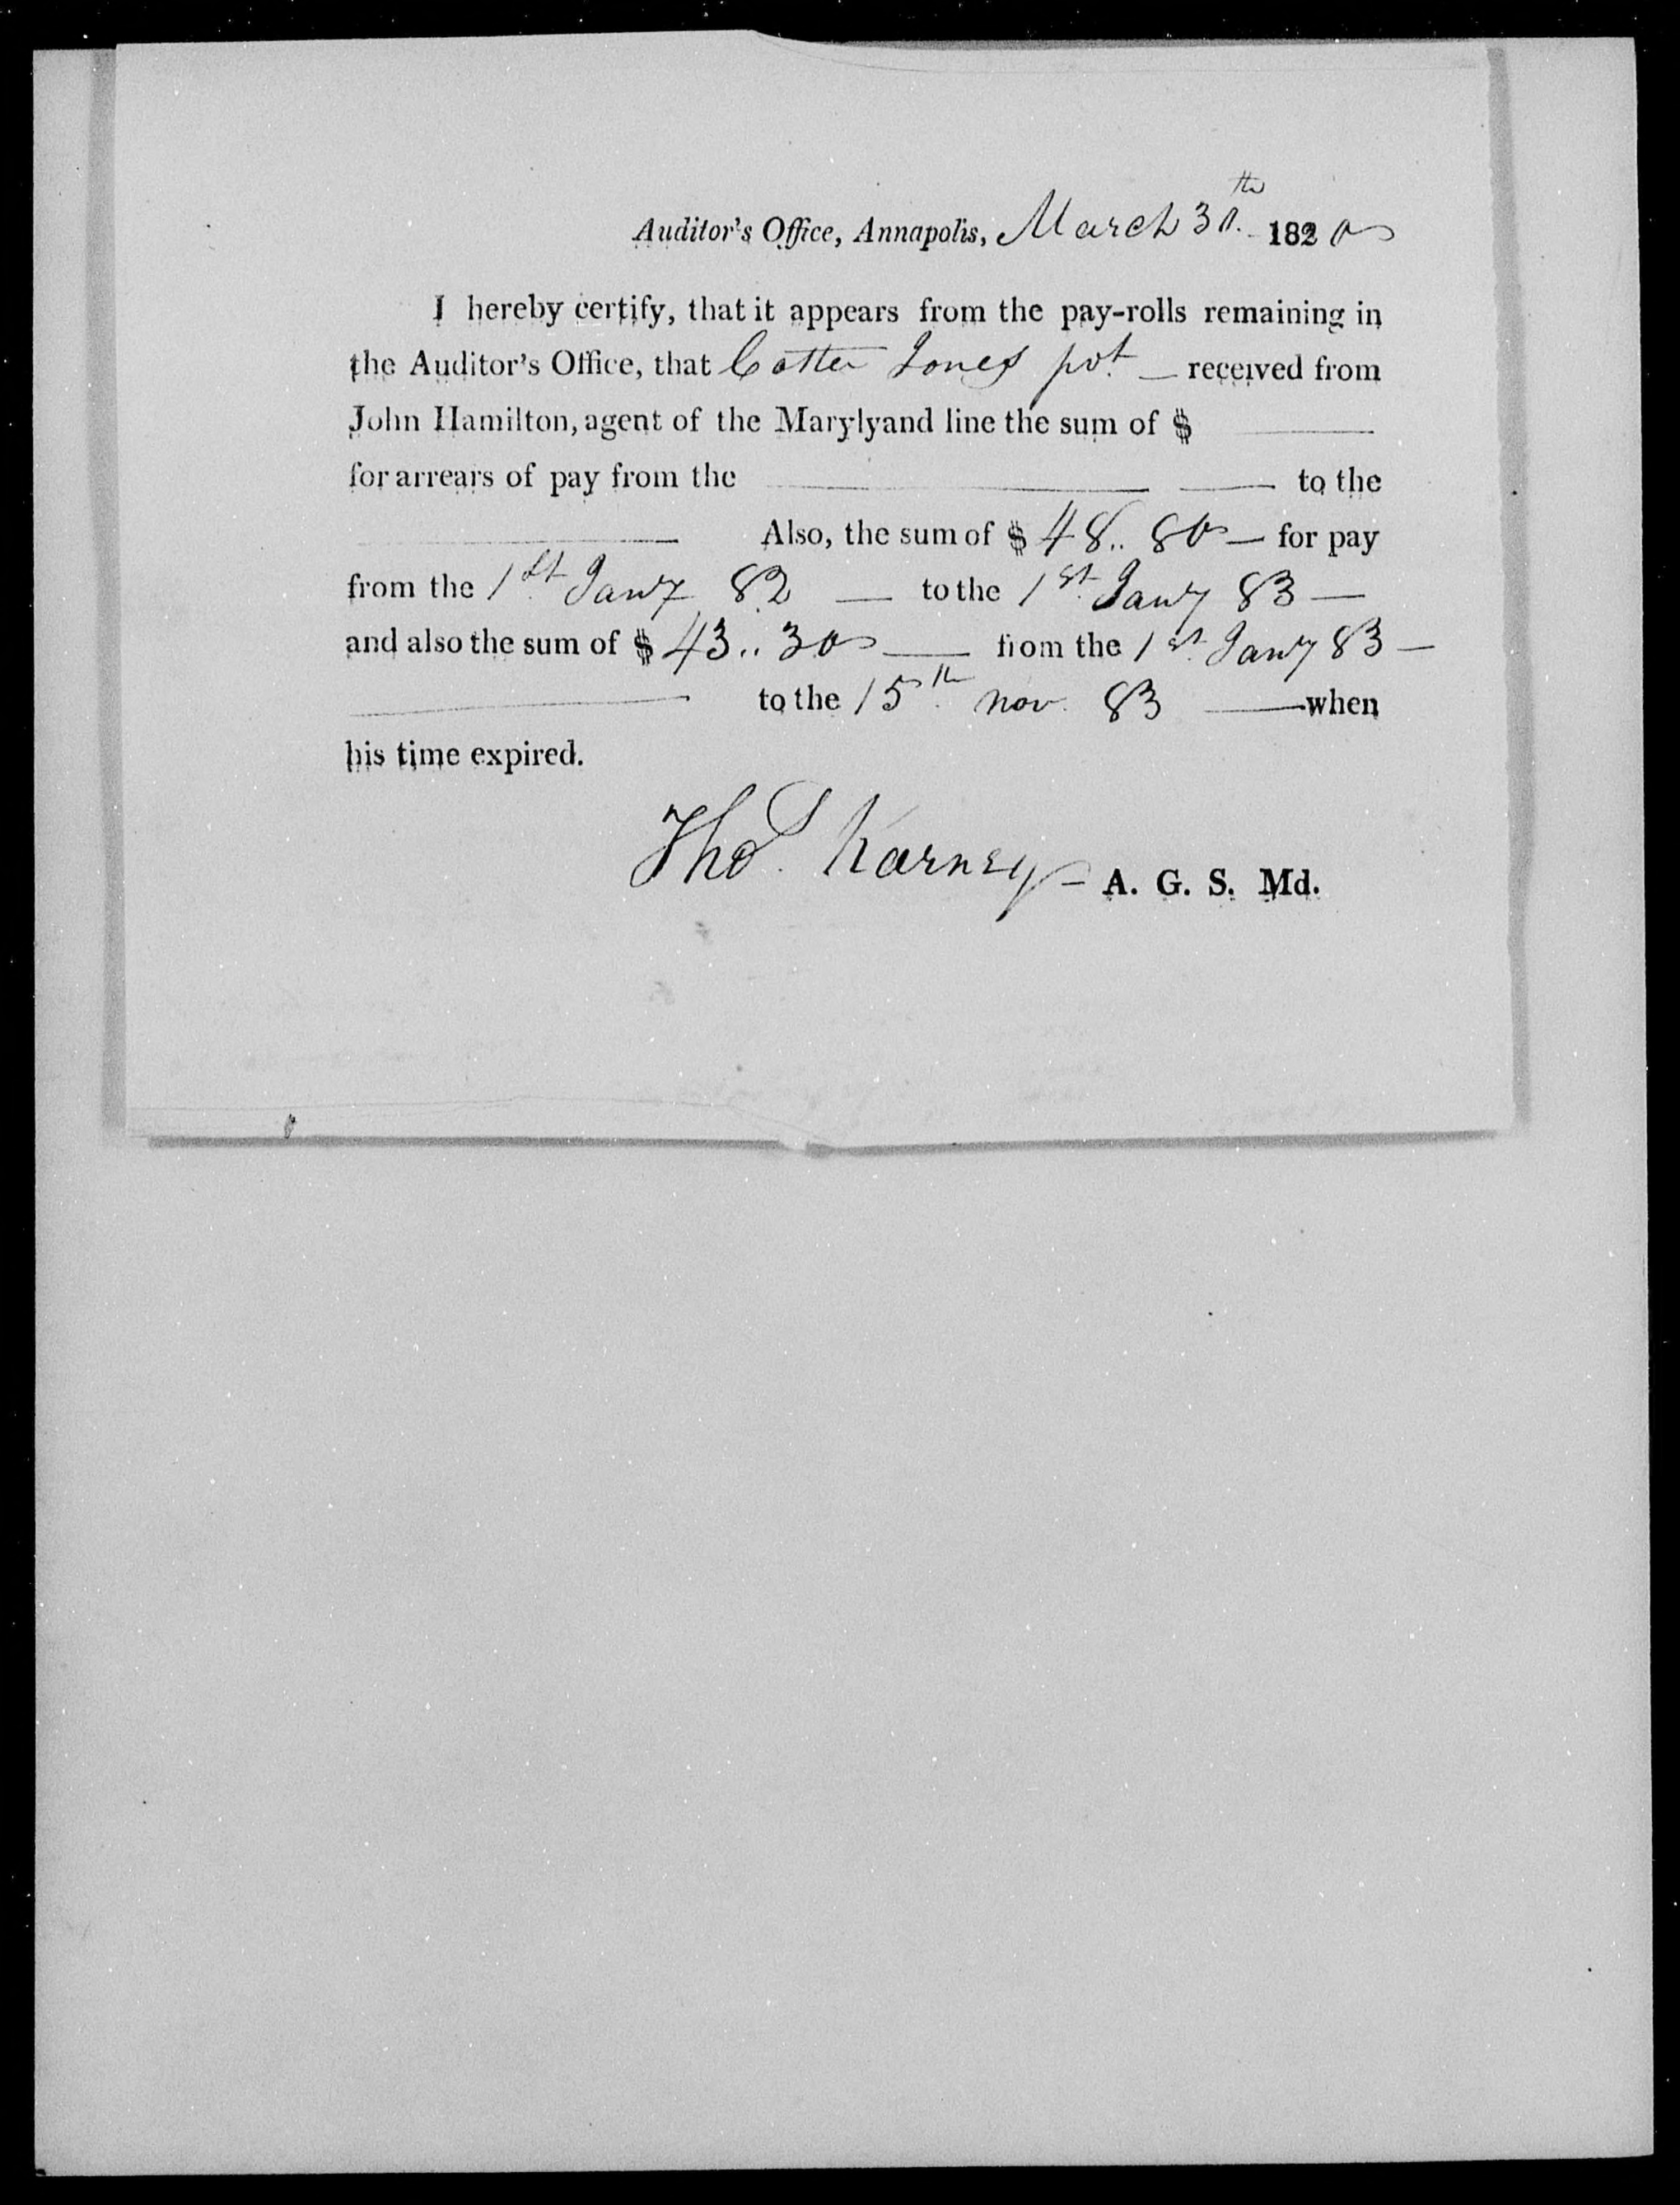Auditor's Office, Annapolis, March 30th 1820

I hereby certify that it appears from the payrolls remaining in the Auditor's Office that Cotter Jones Pvt received from John Hamilton agent of the Maryland line the sum of $ for arrears of pay from blank to the blank. Also, the sum of $48.80 for pay from the 1st Jany '82 to the 1st Jany '83 and also the sum of $43.30 from the 1st Jany '83 to the 15th Nov '83 when his time expired.

Thos Karney = A.G.S.Md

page: 15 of 15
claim: survivor's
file: S. 34946, for Cotter Jones, Maryland